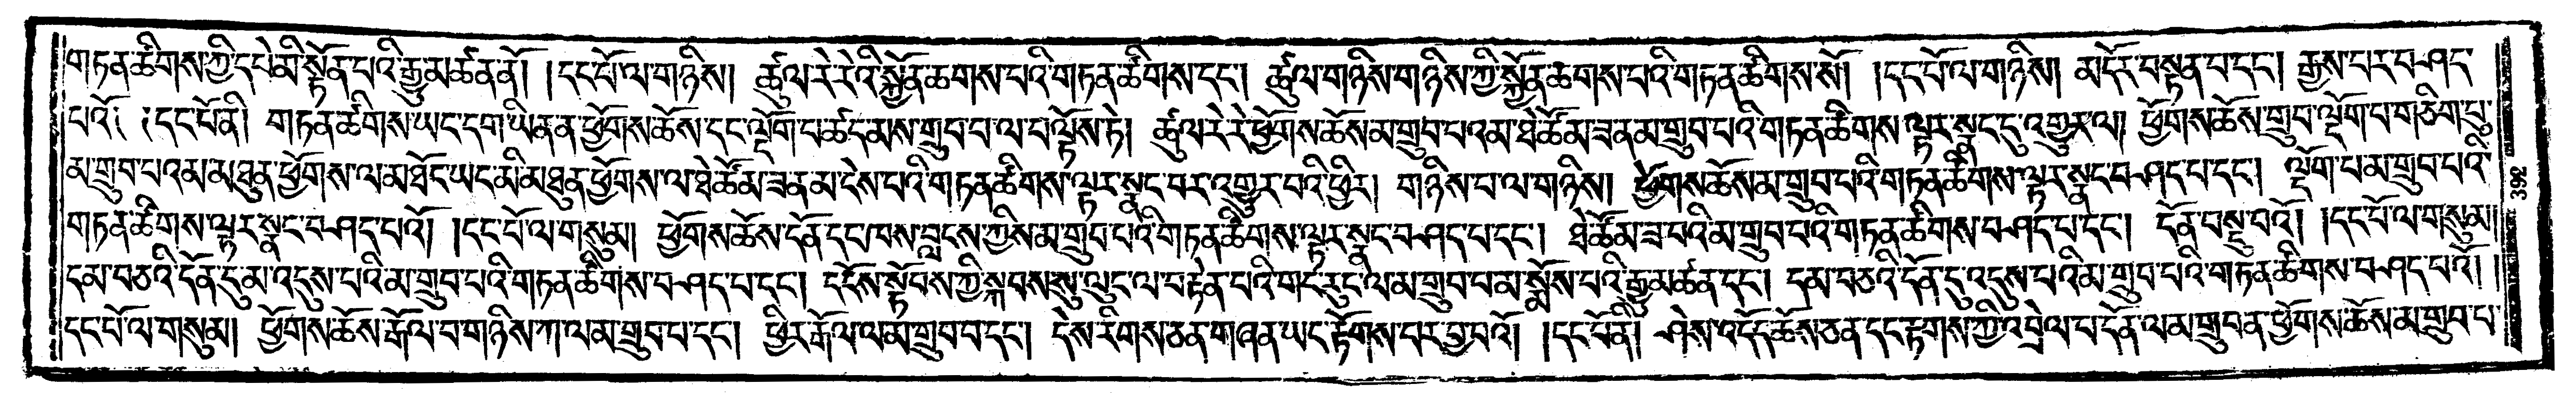གཏན་ཚིགས་ཀྱི་དཔེ་མི་སྟོན་པའི་རྒྱུ་མཚན་ནོ། །དང་པོ་ལ་གཉིས། ཚུལ་རེ་རེའི་སྐྱོན་ཆགས་པའི་གཏན་ཚིགས་དང་། ཚུལ་གཉིས་གཉིས་ཀྱི་སྐྱོན་ཆགས་པའི་གཏན་ཚིགས་སོ། །དང་པོ་ལ་གཉིས། མདོར་བསྟན་པ་དང་། རྒྱས་པར་བཤད་
པའོ༑ ༑དང་པོ་ནི། གཏན་ཚིགས་ཡང་དག་ཡིན་ན་ཕྱོགས་ཆོས་དང་ལྡོག་པ་ཚད་མས་གྲུབ་པ་ལ་བལྟོས་ཏེ། ཚུལ་རེ་རེ་ཕྱོགས་ཆོས་མ་གྲུབ་པའམ་ཐེ་ཚོམ་ཟ་ན་མ་གྲུབ་པའི་གཏན་ཚིགས་ལྟར་སྣང་དུ་འགྱུར་ལ། ཕྱོགས་ཆོས་གྲུབ་ལྡོག་པ་གཅིག་པུ་
མ་གྲུབ་པའམ་མཐུན་ཕྱོགས་ལ་མཐོང་ཡང་མི་མཐུན་ཕྱོགས་ལ་ཐེ་ཚོམ་ཟ་ན་མ་ངེས་པའི་གཏན་ཚིགས་ལྟར་སྣང་བར་འགྱུར་བའི་ཕྱིར། གཉིས་པ་ལ་གཉིས། ཕྱོགས་ཆོས་མ་གྲུབ་པའི་གཏན་ཚིགས་ལྟར་སྣང་བཤད་པ་དང་། ལྡོག་པ་མ་གྲུབ་པའི་
གཏན་ཚིགས་ལྟར་སྣང་བཤད་པའོ། །དང་པོ་ལ་གསུམ། ཕྱོགས་ཆོས་དོན་དང་ཁས་བླངས་ཀྱིས་མ་གྲུབ་པའི་གཏན་ཚིགས་ལྟར་སྣང་བཤད་པ་དང་། ཐེ་ཚོམ་ཟ་བའི་མ་གྲུབ་པའི་གཏན་ཚིགས་བཤད་པ་དང་། དོན་བསྡུ་བའོ། །དང་པོ་ལ་གསུམ།
དམ་བཅའི་དོན་དུ་མ་འདུས་པའི་མ་གྲུབ་པའི་གཏན་ཚིགས་བཤད་པ་དང་། དངོས་སྟོབས་ཀྱི་སྐབས་སུ་ལུང་ལ་བརྟེན་པའི་གང་རུང་ལ་མ་གྲུབ་པ་མ་སྨོས་པའི་རྒྱུ་མཚན་དང་། དམ་བཅའི་དོན་དུ་འདུས་པའི་མ་གྲུབ་པའི་གཏན་ཚིགས་བཤད་པའོ། །
དང་པོ་ལ་གསུམ། ཕྱོགས་ཆོས་རྒོལ་བ་གཉིས་ཀ་ལ་མ་གྲུབ་པ་དང་། ཕྱིར་རྒོལ་ལ་མ་གྲུབ་པ་དང་། དེས་རིགས་ཅན་གཞན་ཡང་རྟོགས་པར་བྱ་བའོ། །དང་པོ་ནི། ཤེས་འདོད་ཆོས་ཅན་དང་རྟགས་ཀྱི་འབྲེལ་པ་དོན་ལ་མ་གྲུབ་ན་ཕྱོགས་ཆོས་མ་གྲུབ་པ་